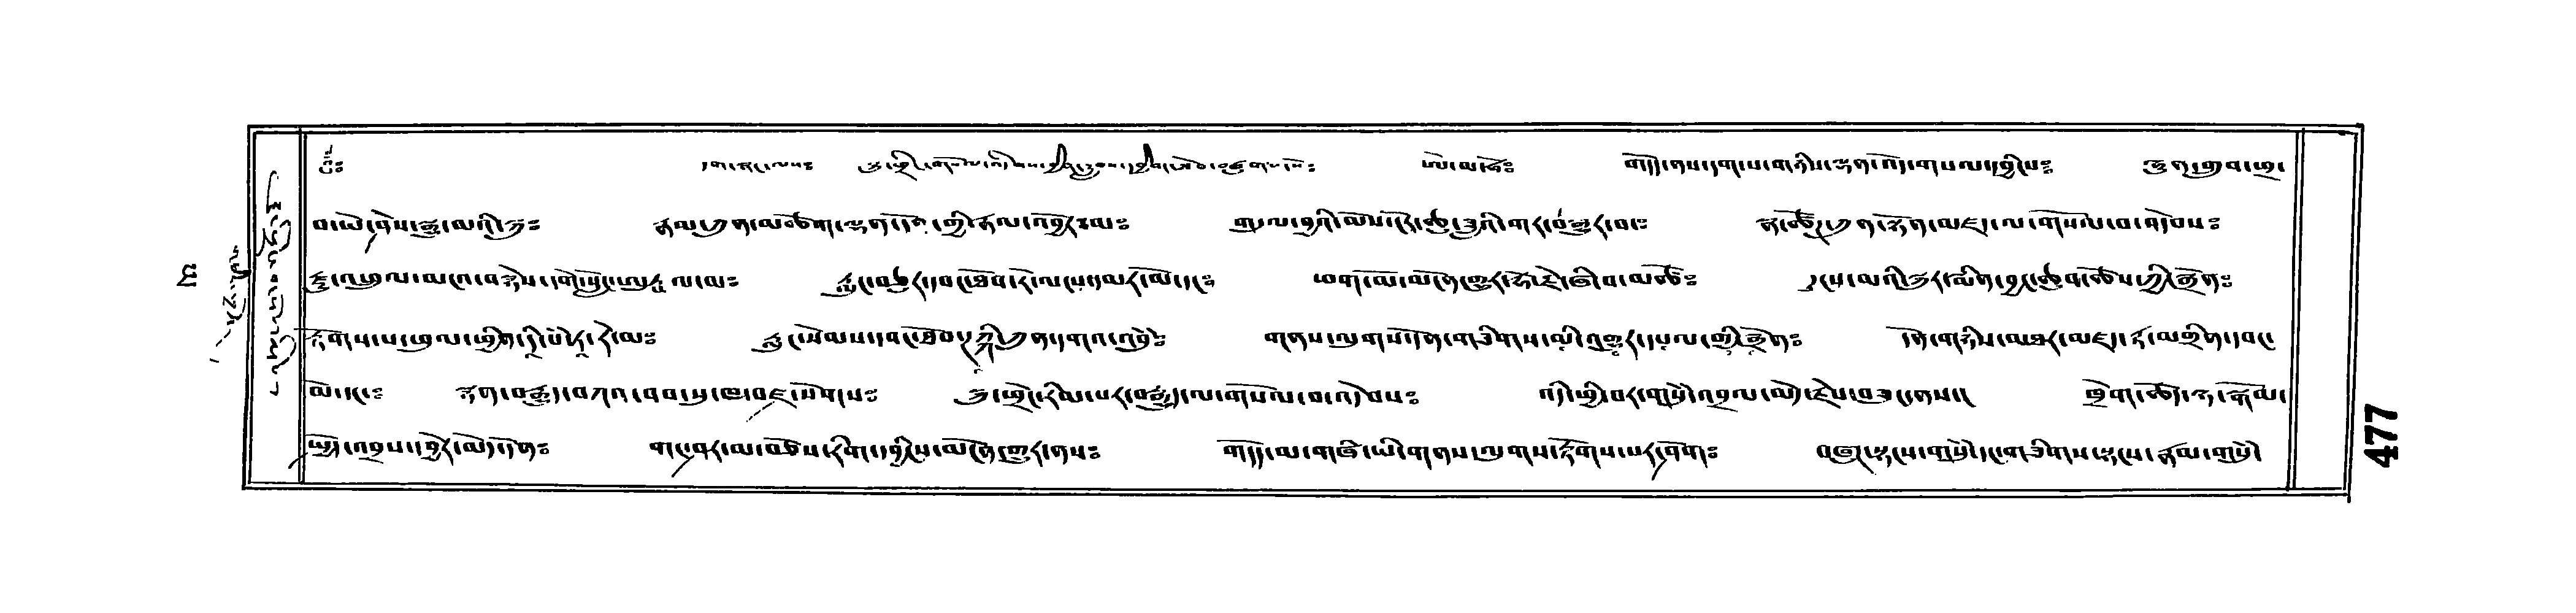དག་སྣང་ལས༔ སྐུ་ཕྲེང་གསོལ་འདེབས་བྱིན་རླབས་དབྱིག་ཐོབ་བཞུགས་སོ༔ ཨེ་མ་ཧོ༔ གདོད་ནས་དག་པ་གཉིས་ལྡན་འོད་གསལ་དབྱིངས༔ ལྷུན་གྲུབ་ཕྲ་
བ་ཡེ་ཤེས་སྒྱུ་མའི་སྐུ༔ རྣམ་ཀུན་མཆོག་ལྡན་དོན་གྱི་རྣལ་འབྱོར་མ༔ གདུལ་བྱའི་མོས་ངོར་ཆུ་ཟླའི་གར་སྒྱུར་བ༔ སྣ་ཚོགས་ཀུན་སྟོན་མཛད་ལ་གསོལ་བ་འདེབས༔ 
རྫུ་འཕྲུལ་མངའ་བརྙེས་དགེ་སློང་ཨུཏྤལ་མ༔ རླུང་བཅུར་དབང་ཐོབ་རོ་ལངས་དམར་མོ་དང༔ ཕག་མོ་མངོན་གྱུར་རྡོ་རྗེ་ཞི་བ་མཚོ༔ དྭངས་མའི་སྐུར་སྨིན་བྱང་ཆུབ་ཆོས་ཀྱི་སྒྲོན༔ 
རྟོགས་པ་ཕུལ་ཕྱིན་དཱི་པམ་ཏཱ་རེ་མཿ རླུང་སེམས་དབང་ཐོབ་ཌཱཀྐི་ཀུན་དགའ་འབུམ༔ གནས་ལུགས་དོན་གཟིགས་མི་འགྱུར་དཔལ་གྱི་སྒྲོན༔ དོན་གཉིས་མཐར་མཛད་རྟ་མགྲིན་དབང་
མོ་དང༔ སྙན་བརྒྱུད་བཀའ་བབ་སུ་ཁ་བཛྲ་སོགས༔ སྐུ་ཕྲེང་རིམ་པར་བརྒྱུད་ལ་གསོལ་བ་འདེབས༔ འདི་ཕྱི་བར་གསུམ་འབྲལ་མེད་རྗེས་བཟུང་ནས༔ ཁྲེགས་ཆོད་ལྷ་སྒོམ་
སྤྱོད་འབྲས་དབྱེར་མེད་དོན༔ གང་ཤར་མ་བཅོས་རིག་དབྱིངས་མངོན་གྱུར་ནས༔ གདོད་མ་གཞི་ཡི་གནས་ལུགས་རྟོགས་པར་ཤོག༔ བཞུགས་སྟངས་གསུམ་དང་གཟིགས་སྟངས་རྣམ་གསུམ་